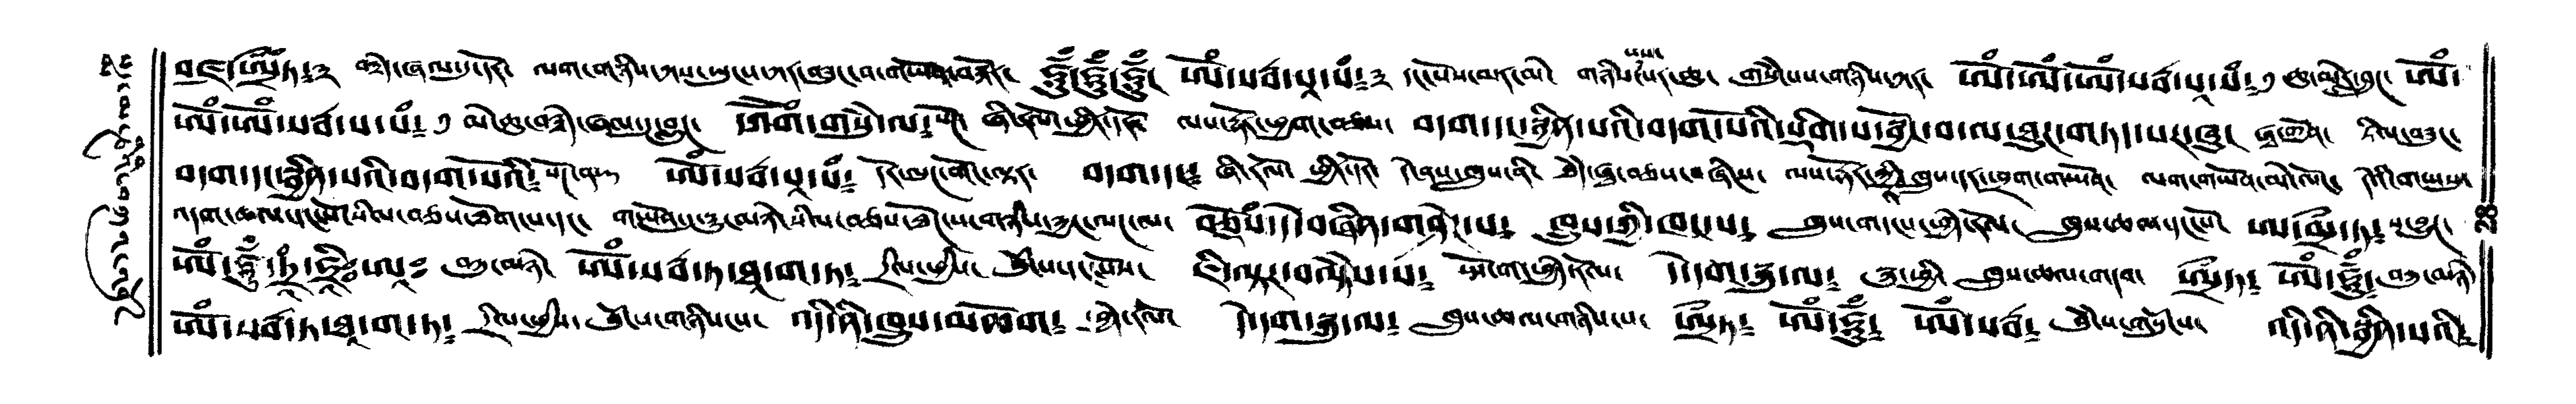བཛྲ་ཨ་མྲྀཏ༴ ལན་གསུམ། བཟེད་ཞལ་དུ་དོར། ལག་གཉིས་ཀར་ཡུངས་ཀར་བཟུང་གཡོན་བསྐོར ། ཧཱུྃ་ཧཱུྃ་ཧཱུྃ༔ ཨོཾ་སརྦ་པཱ་པཾ༴ གསུམ། དང་པོས་མར་མེ། གཉིས་པས་ས་ཆུ། གསུམ་པས་གཉིས་ཀར། ཨོཾ་ཨོཾ་ཨོཾ་སརྦ་པཱ་པཾ༴ གཅིག ཆུ་མེར་བླུགས། ཨོཾ་
ཨོཾ་ཨོཾ་སརྦ་པ་པཾ༴ གཅིག མེ་ཆུ་བཟེད་ཞལ་དུ་བླུགས། དཀོན་མཆོག་གསུམ་ལ༴ སོགས། ཞི་རོལ་གྱིས་ཕྱིར་དོར།ལས་རྡོར་ཕྱག་བཅས། བདག་དང་སྦྱིན་པའི་བདག་པོའི་སྡིག་པ་སྦྱོང་བ་ལ་ཐུགས་གཏད་པར་ཞུ༔ ཞྭ་གྱོན། ཏིལ་གཟུང་། 
བདག་དང་སྦྱིན་པའི་བདག་པོའི༴ སོགས་ནས། ཨོཾ་སརྦ་པཱ་པཾ༴ དོར་ལུགས་གོང་ལྟར། བདག་དང༴ ཞི་རོལ་གྱིས་ཕྱིར་དོར། དེ་ནས་ཁྲུས་ནི། ཐམས་ཅད་ཞྭ་བཅས་བཞེངས། ལས་རྡོར་ཀྱིས་ཁྲུས་དར་ཕྲག་གཡོན། ལག་གཡོན་མེ་ལོང་། དེའི་གཡས་སུ་
འདག་ཆལ་དང་པོ་སིལ་བཅས་ཐོགས་པ་དང་། གཡོན་དུ་སྐུ་མཉེ་སིལ་བཅས་ཐོགས་པ་གཉིས་ཀྱང་ལངས་ལ། བཅོམ་ལྡན་འདས་དེ་བཞིན་གཤེགས་པ༴ ཁྲུས་ཀྱི་ཁང་པ༴ ཁྲུས་གདངས་ཕྱེད་རོལ། ཁྲུས་ཆལ་དང་པོ། ཨ་མྲྀ་ཏ༴ ས་བྱུགས། 
ཨོཾ་ཧཱུྃ་ཏྲཱཾ་ཧྲཱིཿཨཱཿ བཀུ་མཉེ། ཨོཾ་སརྦ་ཏ་ཐཱ་ག་ཏ༴ དྲིལ་ཕྱིས། བུམ་པ་དང་པོས། ཇི་ལྟར་བལྟམས་པ༴ ཡོ་ག་ཕྱེད་རོལ། དེ་དག་སྐུ་ལ༴ སྐུ་ཕྱི། ཁྲུས་ཆལ་གདབ། ཨ་མྲྀ་ཏ༴ ཨོཾ་ཧཱུྃ༴ བཀུ་མཉེ། 
ཨོཾ་སརྦ་ཏ་ཐཱ་ག་ཏ༴ དྲིལ་ཕྱིས། བུམ་པ་གཉིས་པ། འདི་ནི་ཁྲུས་མཆོག༴ ཕྱེད་རོལ། དེ་དག་སྐུ་ལ༴ ཁྲུས་ཆལ་གཉིས་པ། ཨ་མྲྀ་ཏ༴ ཨོཾ་ཧཱུྃ༴ ཨོཾ་སརྦ༴ བུམ་པ་གསུམ་པ། འདི་ནི་སྦྱིནཔའི༴